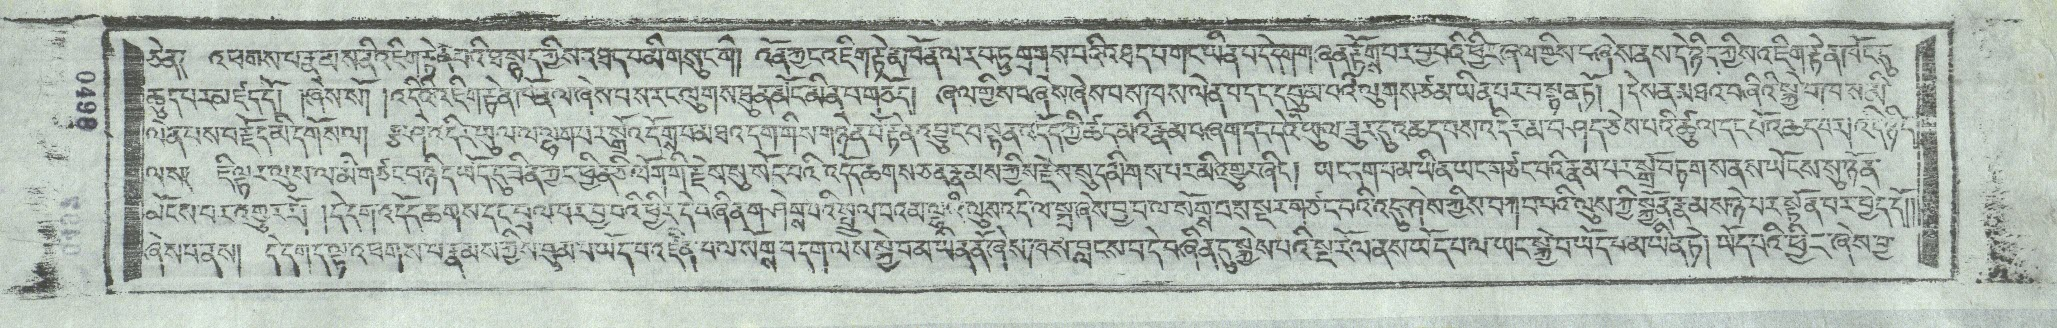ཅེ་ན༑ འཕགས་པ་རྣམས་ནི་འཇིག་རྟེན་པའི་ཐ་སྙད་ཀྱིས་འཐད་པ་མི་གསུང་གི། འོན་ཀྱང་འཇིག་རྟེན་ཁོ་ན་ལ་རབ་ཏུ་གྲགས་པའི་འཐད་པ་གང་ཡིན་པ་དེ་དག་གཞན་རྟོགས་པར་བྱ་བའི་ཕྱིར་ཞལ་གྱིས་བཞེས་ནས་དེ་ཉིད་ཀྱིས་འཇིག་རྟེན་ཁོང་དུ་
ཆུད་པར་མཛད་དོ། །ཞེས་སོ། །འདིའི་འཇིག་རྟེན་ཁོ་ན་ལ་ཞེས་པས་རང་ལུགས་ཐུན་མོང་མིན་པ་གཅོད། ཞལ་གྱིས་བཞེས་ཞེས་པས་ཁས་ལེན་པ་དང་དབུ་མ་པའི་ལུགས་ཙམ་ཡིན་པར་བསྟན་ཏོ། །དེས་ན་མཐའ་བཞིའི་སྐྱེ་བ་ཁས་མི་
ལེན་པས་བརྗོད་མི་དགོས་ལ། རྩ་ཤེ་འདིར་ཡུལ་ལ་ལྷག་པར་སྒྲོ་འདོགས་པ་མཐའ་དག་གིས་གཉེན་པོ་རྟེན་འབྱུང་བསྟན་འདོད་ཀྱི་ཚད་མའི་རྣམ་བཞག་དང་དེའི་ཡུལ་ཟུར་དུ་འཆད་པས་འདིར་མ་བཤད་ཅེས་པའི་ཚུལ་དང་པོ་འཆད་པར། འདི་ཉིད་
ལས༑ ཇི་ལྟར་ལུས་ལ་མི་གཙང་བ་ཉིད་ཡོད་དུ་ཟིན་ཀྱང་ཕྱིན་ཅི་ལོག་གི་རྗེས་སུ་སོང་བའི་འདོད་ཆགས་ཅན་རྣམས་ཀྱིས་རྗེས་སུ་དམིགས་པར་མི་འགྱུར་ཞིང་། ཡང་དག་པ་མ་ཡིན་ཡང་གཙང་བའི་རྣམ་པར་སྒྲོ་བཏགས་ནས་ཡོངས་སུ་ཉོན་
མོངས་པར་འགྱུར་རོ། །དེ་དག་འདོད་ཆགས་དང་བྲལ་བར་བྱ་བའི་ཕྱིར་དེ་བཞིན་གཤེགས་པའི་སྤྲུལ་པའམ་ལྷའི་ལུས་འདི་ལ་སྐྲ་ཞེས་བྱ་བ་ལ་སོགས་པས་སྔར་གཙང་བའི་འདུ་ཤེས་ཀྱིས་བཀབ་པའི་ལུས་ཀྱི་སྐྱོན་རྣམས་ཉེ་པར་སྟོན་པར་བྱེད་དོ།།
ཞེས་པ་ནས། དེ་དག་ད་ལྟ་འཕགས་པ་རྣམས་ཀྱིས་བུམ་པ་ཡོད་པ་འཛིན་པ་ལ་སོགས་བདག་ལས་སྐྱེ་བ་མ་ཡིན་ནོ་ཞེས་ཁས་བླངས་པ་དེ་བཞིན་དུ་སྐྱེས་པའི་སྔ་རོལ་ནས་ཡོད་པ་ལ་ཡང་སྐྱེ་བ་ཡོད་པ་མ་ཡིན་ཏེ། ཡོད་པའི་ཕྱིར་ཞེས་བྱ་